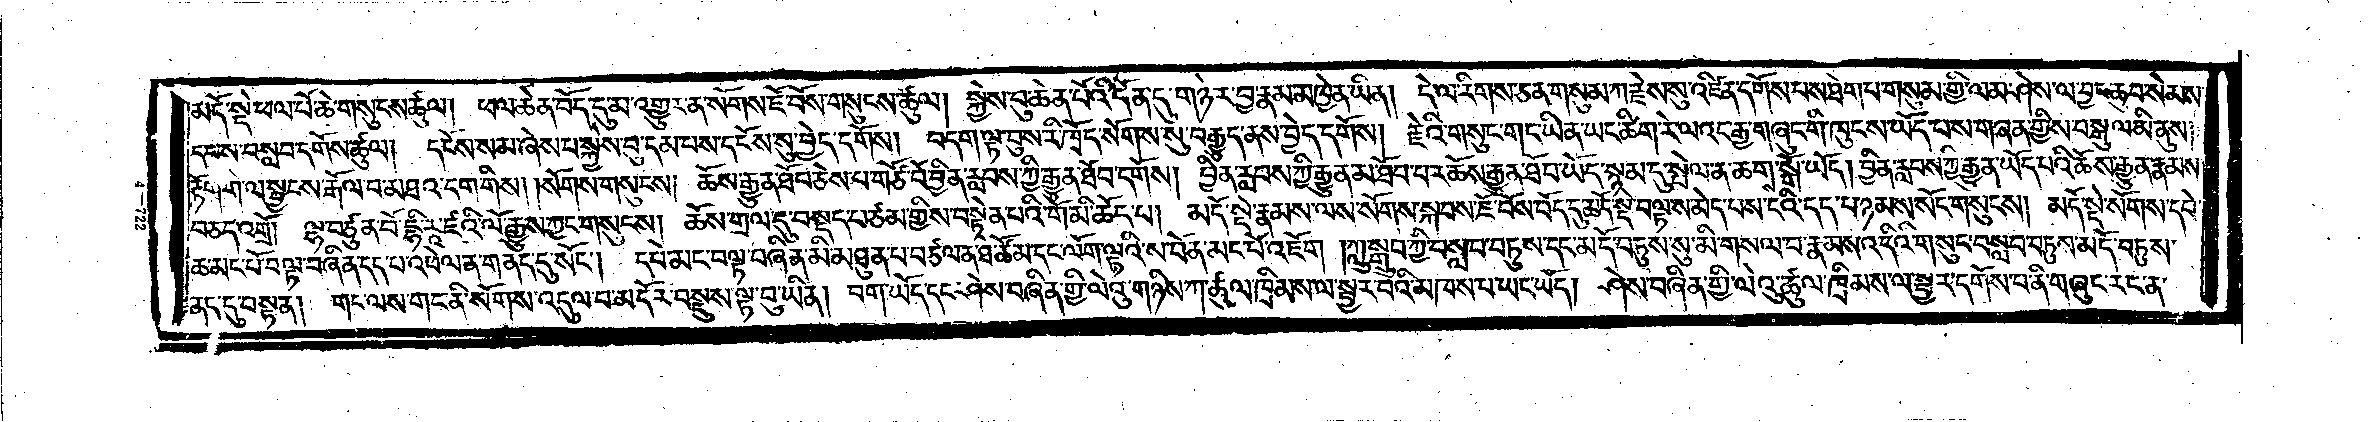མདོ་སྡེ་ཕལ་པོ་ཆེ་གསུངས་ཚུལ། ཕལ་ཆེན་བོད་དུ་མ་འགྱུར་ན་སོགས་ཇོ་བོས་གསུངས་ཚུལ། སྐྱེས་བུ་ཆེན་པོའི་དོན་དུ་གཉེར་བྱ་རྣམ་མཁྱེན་ཡིན། དེ་ལ་རིགས་ཅན་གསུམ་ཀ་རྗེས་སུ་འཛིན་དགོས་པས་ཐེག་པ་གསུམ་གྱི་ལམ་ཤེས་ལ་བྱང་ཆུབ་སེམས་
དབས་བསླབ་དགོས་ཚུལ། དངོས་སམ་ཞེས་པ་སྐྱེས་བུ་དམ་པས་དངོས་སུ་བྱེད་དགོས། བདག་ལྟ་བུས་རི་ཁྲོད་སོགས་སུ་བརྒྱད་ནས་བྱེད་དགོས། རྗེའི་གསུང་གང་ཡིན་ཡང་ཚིག་རེ་ལའང་རྒྱ་གཞུང་གི་ཁུངས་ཡོད་པས་གཞན་གྱིས་བསྒུལ་མི་ནུས།
རོག་གེ་ལ་སྦྱངས་རྒོལ་བ་མཐའ་དག་གིས། །སོགས་གསུངས། ཆོས་རྒྱུན་ཐོབ་ཅེས་པ་གཙོ་བོ་བྱིན་རླབས་ཀྱི་རྒྱུན་ཐོབ་དགོས། བྱིན་རླབས་ཀྱི་རྒྱུན་མ་ཐོབ་པར་ཆོས་རྒྱུན་ཐོབ་ཡོད་སྙམ་དུ་སྤེལ་ན་ཆགས་སྒོ་ཡོད། བྱིན་རླབས་ཀྱི་རྒྱུན་ཡོད་པའི་ཆོས་རྒྱུན་རྣམས་
བཅད་འགྲོ། ལྷ་བཙུན་བོདྷི་རཱ་ཛའི་ལོ་རྒྱུས་ཀྱང་གསུངས། ཆོས་གྲལ་དུ་བསྡད་པ་ཙམ་གྱིས་བསྟེན་པའི་གོ་མི་ཆོད་པ། མདོ་སྡེ་རྣམས་ལས་སོགས་སྐབས་ཇོ་བོས་བོད་དུ་ཆ་མདོ་སྡེ་བལྟས་མེད་པས་ངའི་དད་པ་ཉམས་སོང་གསུངས། མདོ་སྡེ་སོགས་དབེ་
ཆ་མང་པོ་བལྟ་བཞིན་དད་པ་འཕེལ་ན་གནང་དུ་སོང་། དཔེ་མང་བལྟ་བཞིན་མི་མཐུན་པ་བཙལ་ན་ཐེ་ཚོམ་དང་ལོག་ལྟའི་ས་བོན་མང་པོ་འཇོག །ཀླུ་སྒྲུབ་ཀྱི་བསླབ་བཏུས་དང་མདོ་བཏུས་སུ་མི་གསལ་བ་རྣམས་འདིའི་གསུང་བསླབ་བཏུས་མདོ་བཏུས་
ནང་དུ་བསྟན། གང་ལས་གང་ནི་སོགས་འདུལ་བ་མདོར་བསྡུས་ལྟ་བུ་ཡིན། བག་ཡོད་དང་ཤེས་བཞིན་གྱི་ལེའུ་གཉིས་ཀ་ཚུལ་ཁྲིམས་ལ་སྦྱར་བའི་མཁས་པ་ཡང་ཡོད། ཤེས་བཞིན་གྱི་ལེའུ་ཚུལ་ཁྲིམས་ལ་སྦྱར་དགོས་པ་ནི་གཞུང་རང་ན་